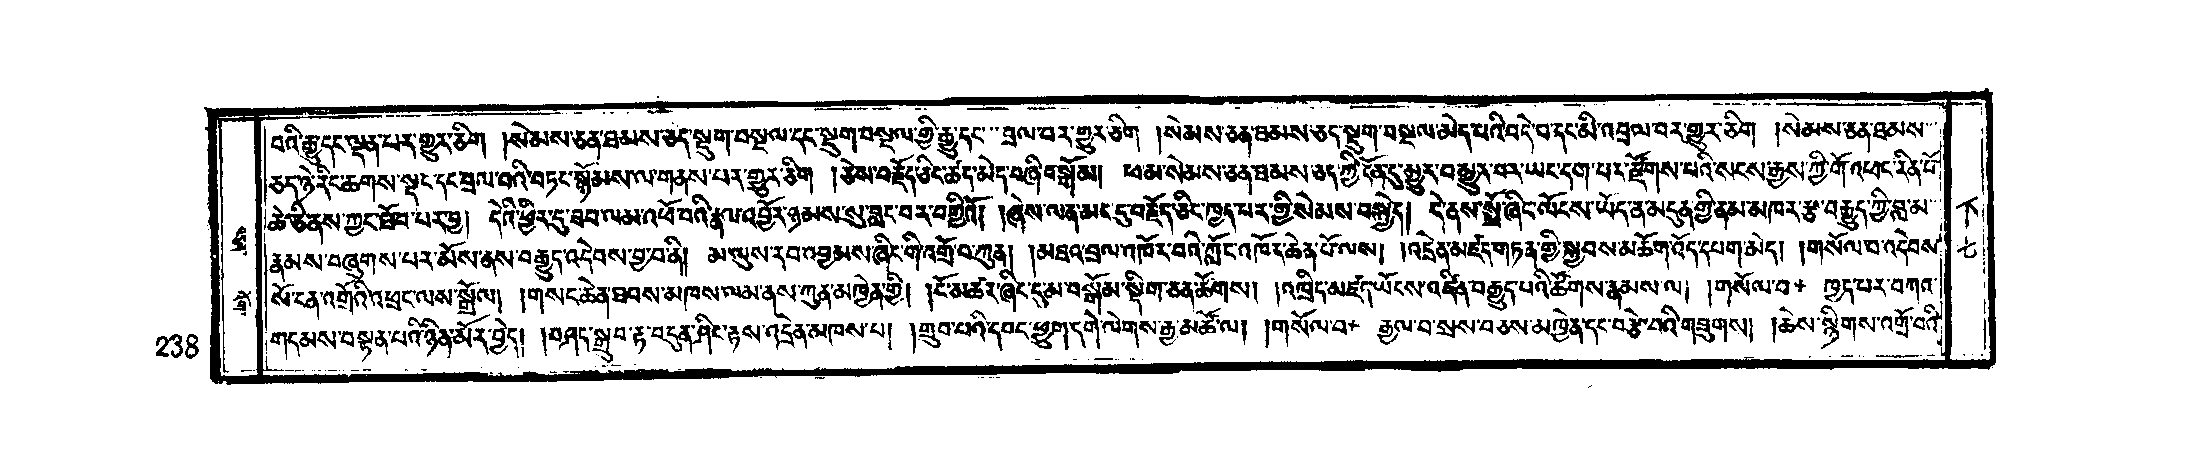བའི་རྒྱུ་དང་ལྡན་པར་གྱུར་ཅིག །སེམས་ཅན་ཐམས་ཅད་སྡུག་བསྔལ་དང་སྡུག་བསྔལ་གྱི་རྒྱུ་དང་བྲལ་བར་གྱུར་ཅིག །སེམས་ཅན་ཐམས་ཅད་སྡུག་བསྔལ་མེད་པའི་བདེ་བ་དང་མི་འབྲལ་བར་གྱུར་ཅིག །སེམས་ཅན་ཐམས་
ཅད་ཉེ་རིང་ཆགས་སྡང་དང་བྲལ་བའི་བཏང་སྙོམས་ལ་གནས་པར་གྱུར་ཅིག །ཅེས་བརྗོད་ཅིང་ཚད་མེད་བཞི་བསྒོམ། ཕ་མ་སེམས་ཅན་ཐམས་ཅད་ཀྱི་དོན་དུ་མྱུར་བ་མྱུར་བར་ཡང་དག་པར་རྫོགས་པའི་སངས་རྒྱས་ཀྱི་གོ་འཕང་རིན་པོ་
ཆེ་ཅི་ནས་ཀྱང་ཐོབ་པར་བྱ། དེའི་ཕྱིར་དུ་ཟབ་ལམ་འཕོ་བའི་རྣལ་འབྱོར་ཉམས་སུ་བླང་བར་བགྱིའོ། །ཞེས་ལན་མང་དུ་བརྗོད་ཅིང་ཁྱད་པར་གྱི་སེམས་བསྐྱེད། དེ་ནས་སྤྲོ་ཞིང་ལོངས་ཡོད་ན་མདུན་གྱི་ནམ་མཁར་རྩ་བརྒྱུད་ཀྱི་བླ་མ་
རྣམས་བཞུགས་པར་མོས་ནས་བརྒྱུད་འདེབས་བྱ་བ་ནི། མ་ལུས་རབ་འབྱམས་ཞིང་གི་འགྲོ་བ་ཀུན། །མཐའ་བྲལ་འཁོར་བའི་ཀློང་འཁོར་ཆེན་པོ་ལས། །འདྲེན་མཛད་གཏན་གྱི་སྐྱབས་མཆོག་འོད་དཔག་མེད། །གསོལ་བ་འདེབས་
སོ་ངན་འགྲོའི་འཕྲང་ལས་སྒྲོལ། །གསང་ཆེན་ཐབས་མཁས་ལམ་ནས་ཀུན་མཁྱེན་གྱི། །ངོ་མཚར་ཞིང་དུ་མ་བསྒོམ་སྡིག་ཅན་ཚོགས། །འཁྲིད་མཛད་ཡོངས་འཛིན་བརྒྱུད་པའི་ཚོགས་རྣམས་ལ། །གསོལ་བ་+་ཁྱད་པར་བཀའ་
གདམས་བསྟན་པའི་ཉིན་མོར་བྱེད། །བཤད་སྒྲུབ་རྟ་བདུན་ཤིང་རྟས་འདྲེན་མཁས་པ། །གྲུབ་པའི་དབང་ཕྱུག་དགེ་ལེགས་རྒྱ་མཚོ་ལ། །གསོལ་བ་+་རྒྱལ་བ་སྲས་བཅས་མཁྱེན་དང་བརྩེ་བའི་གཟུགས། །ཆེས་སྙིགས་འགྲོ་བའི་